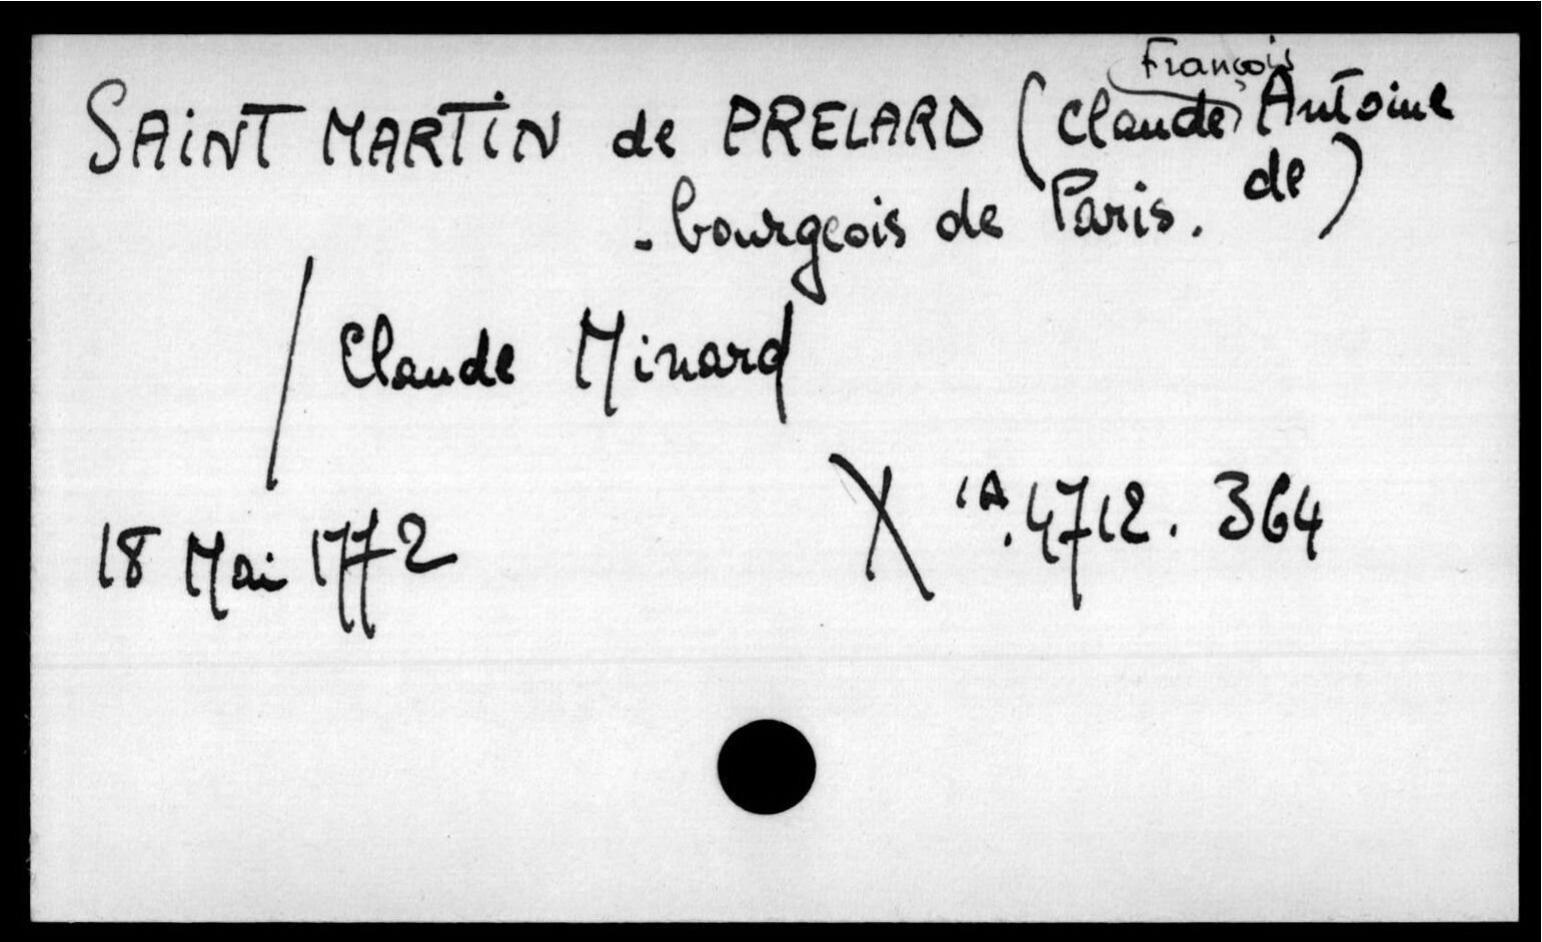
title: SAINT MARTIN de PRELARD (Clauder François Antoine de) - bourgeois de Paris.
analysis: Contre Claude Minard
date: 18 mai 1772
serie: X1A
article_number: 4712
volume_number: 364
